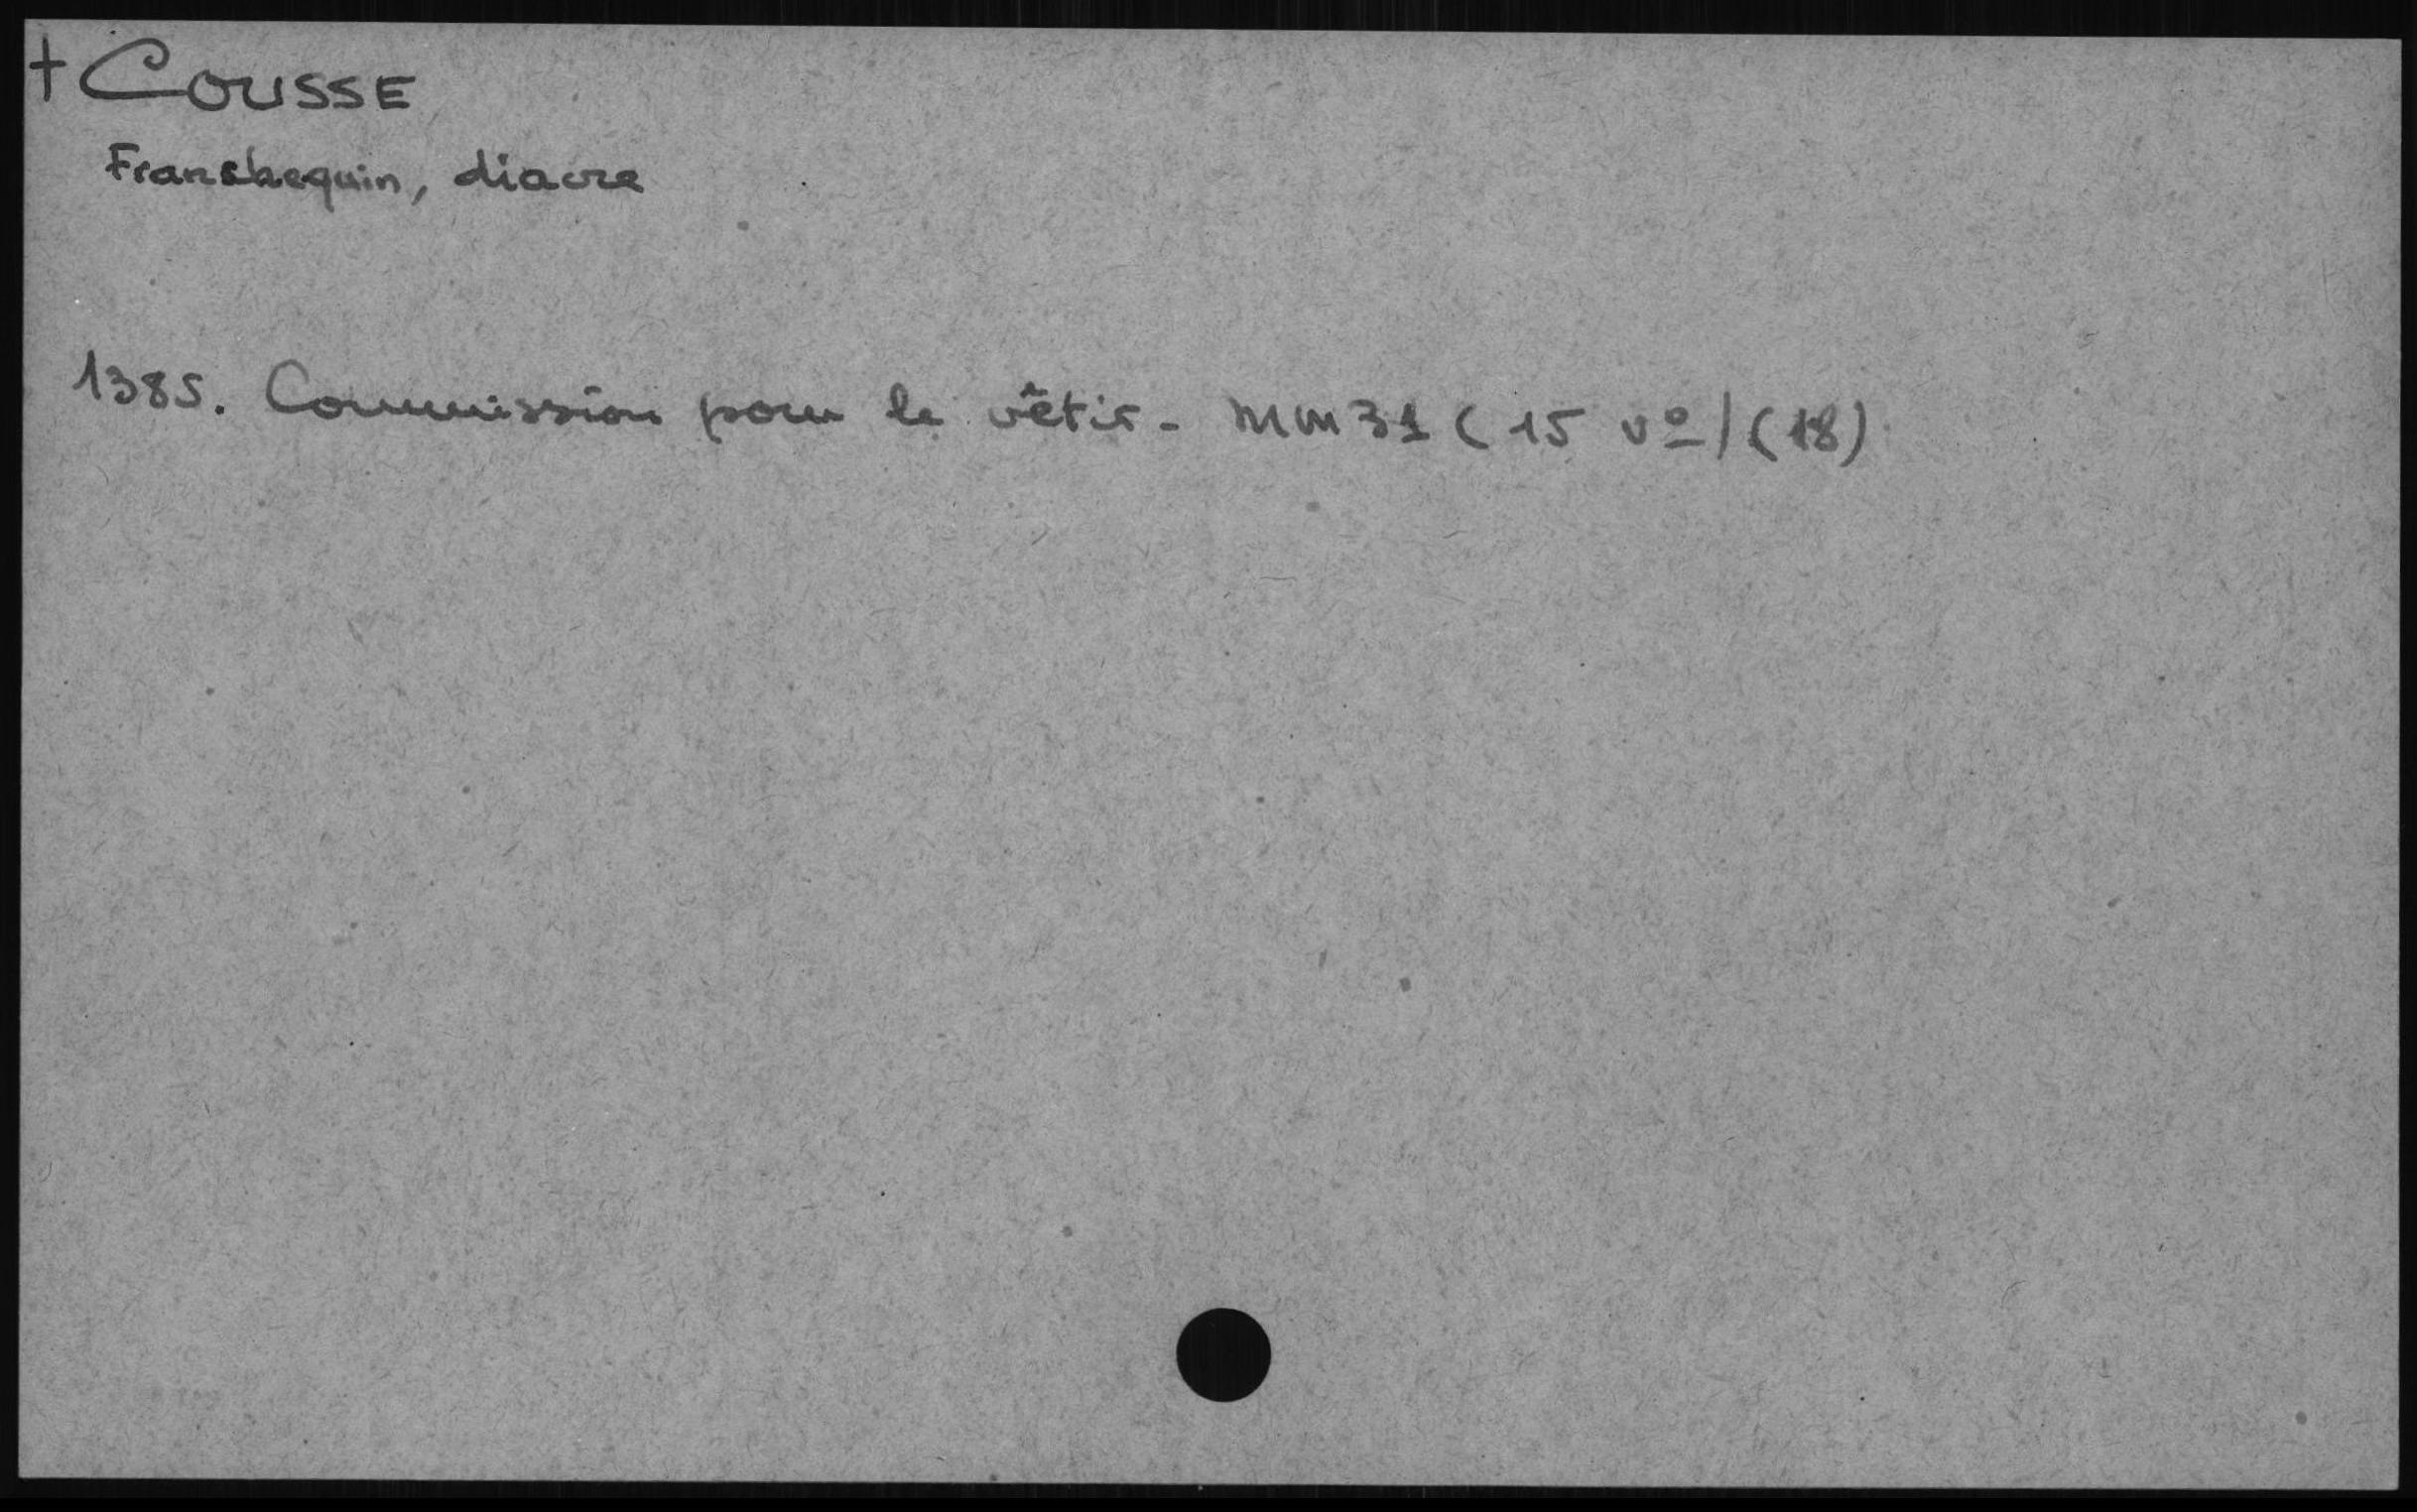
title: + COUSSE Franchequin, diacre
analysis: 1385. Commission pour le vêtir. MM 31 (15v) (18)
